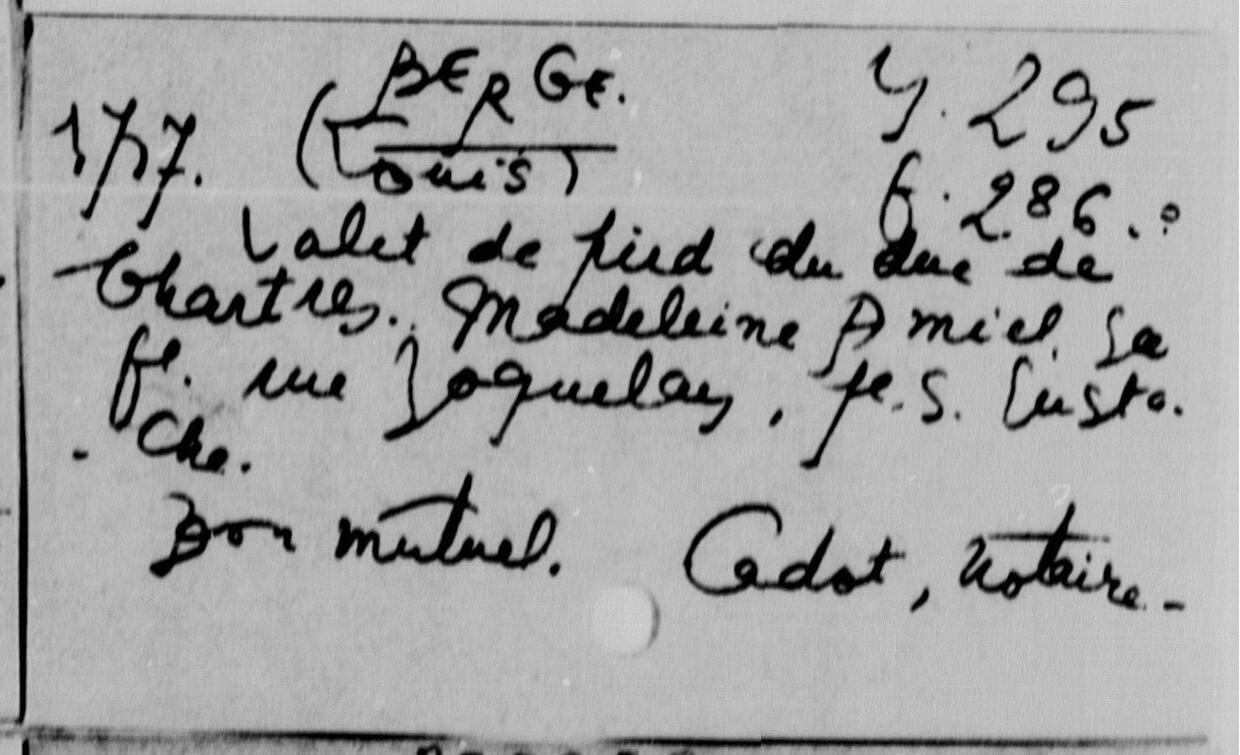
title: BERGE (Louis)
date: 1717
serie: Y
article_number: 295
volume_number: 286v
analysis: Valet de pied du duc de Chartres. Madeleine Amiel, sa femme, rue Joquelay, paroisse Saint-Eustache. Don mutuel. Cadot, notaire.
